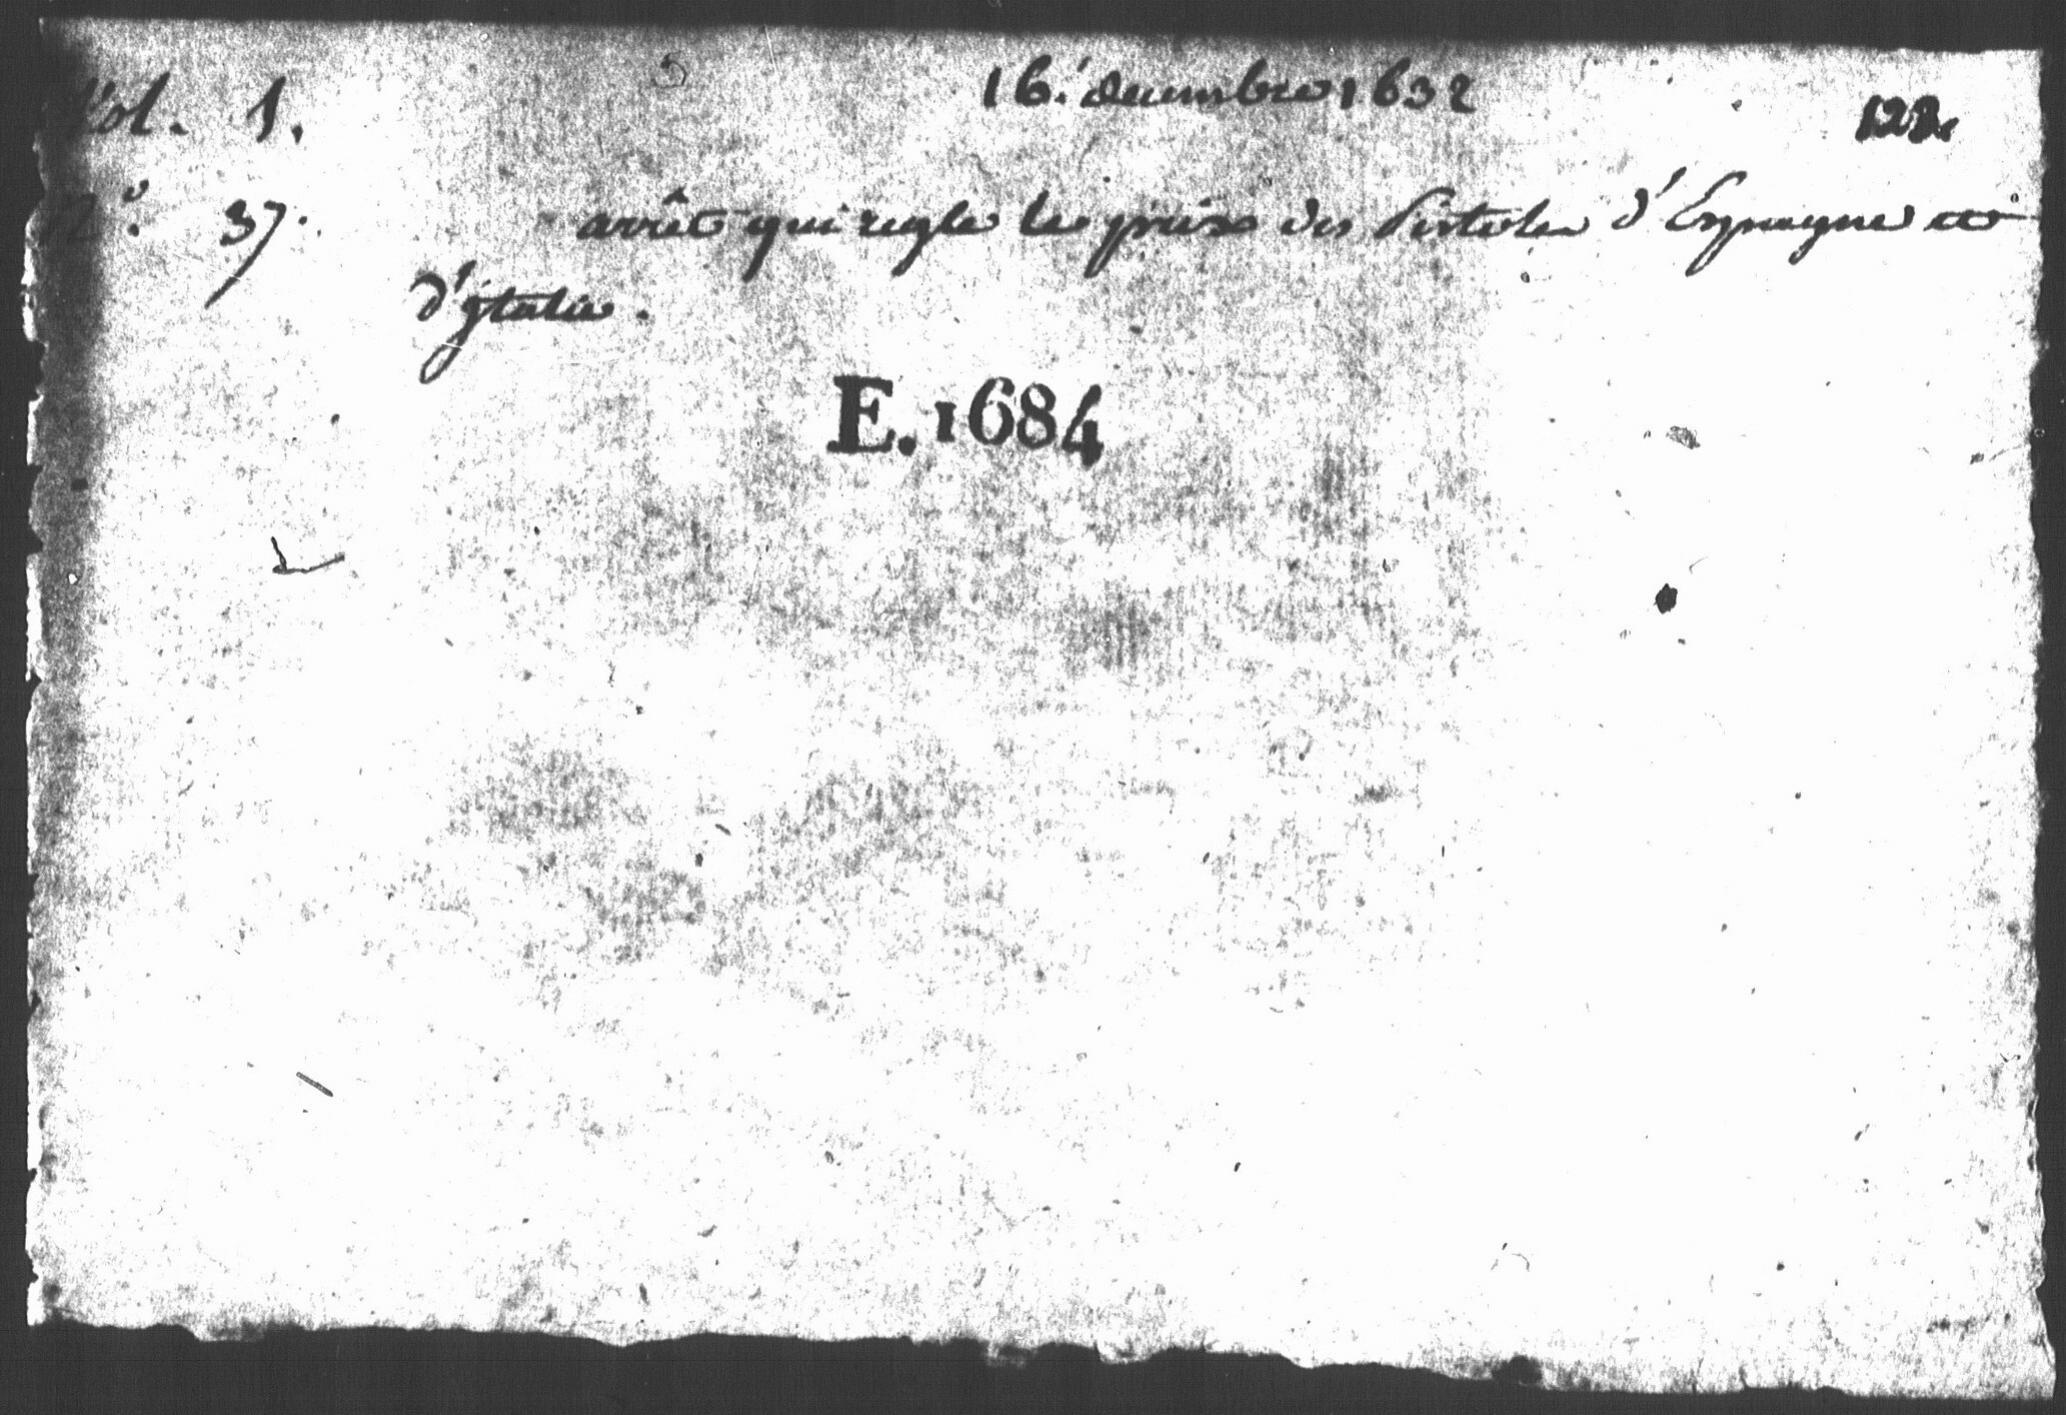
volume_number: n°37
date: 16 décembre 1632
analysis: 122
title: arrêt qui regle le prix des pistoles d'Espagne et d'Italie.
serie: E
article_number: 1684
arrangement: vol. 1
